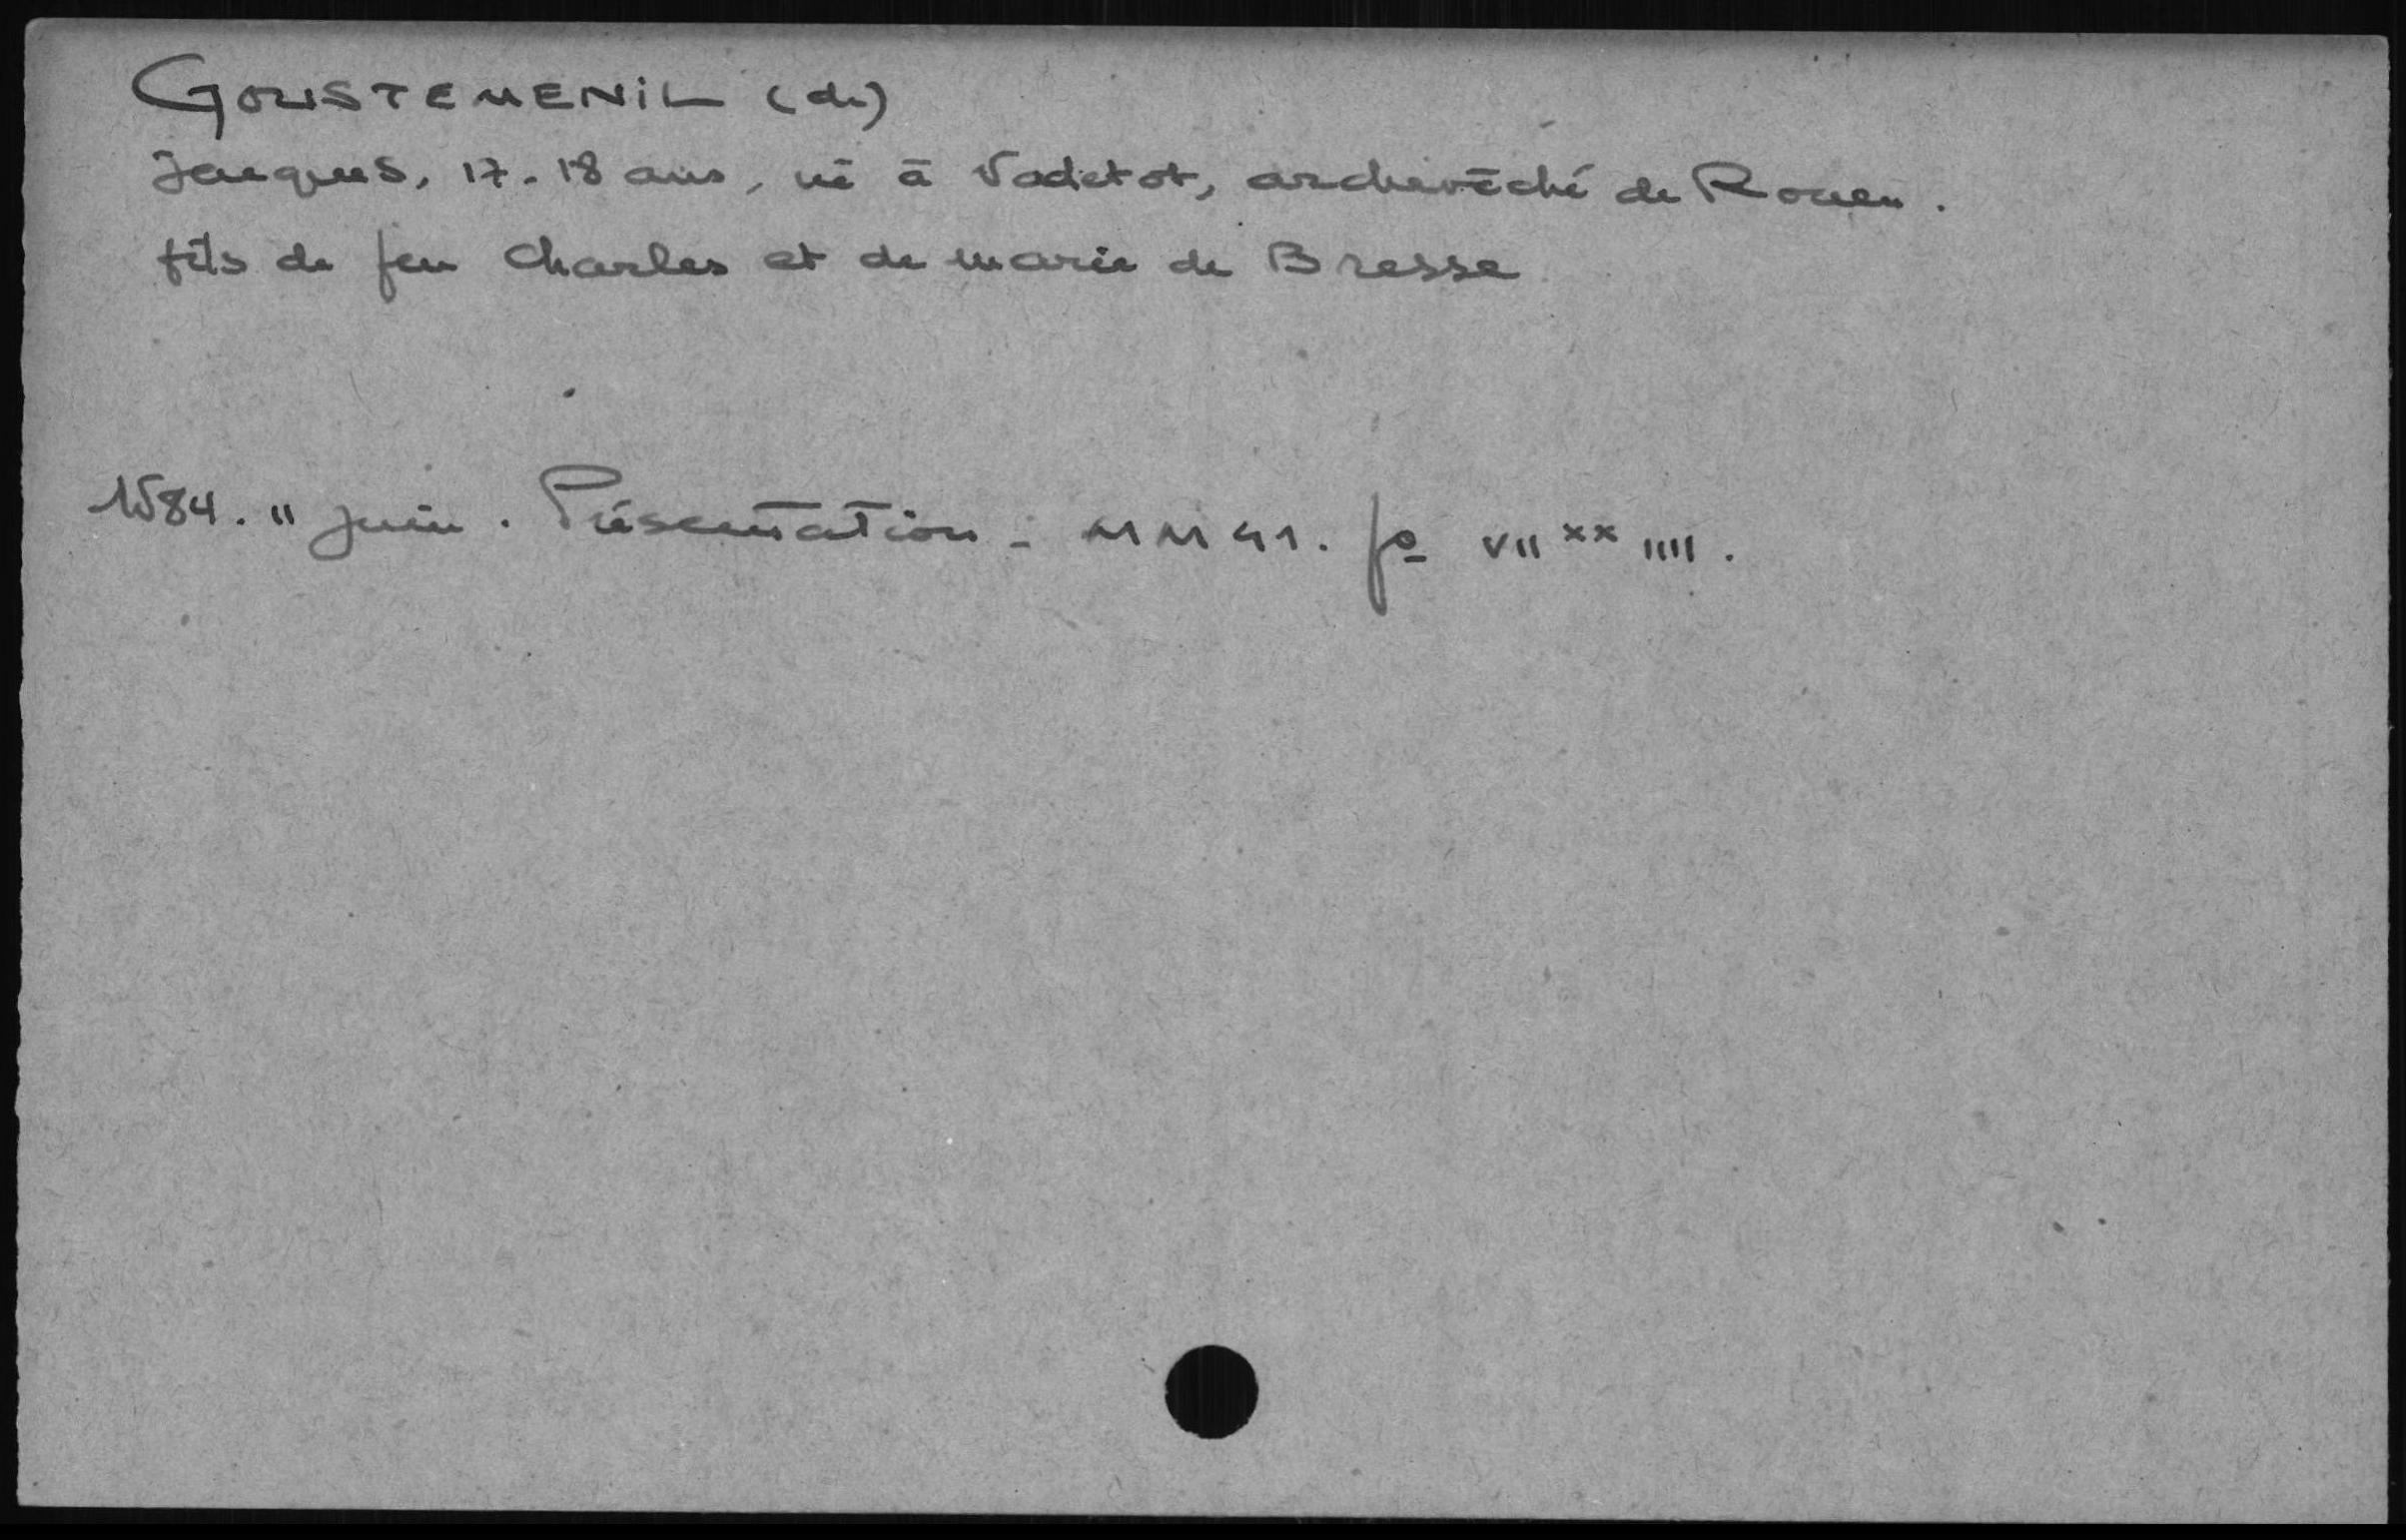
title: GOUSTEMENIL (de), Jacques, 17-18 ans, né à Vadetot, archevêché de Rouen, fils de feu Charles et de Marie de Bresse
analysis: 1584, 11 juin. Présentation. MM 41, fol. VIIxx IIII
